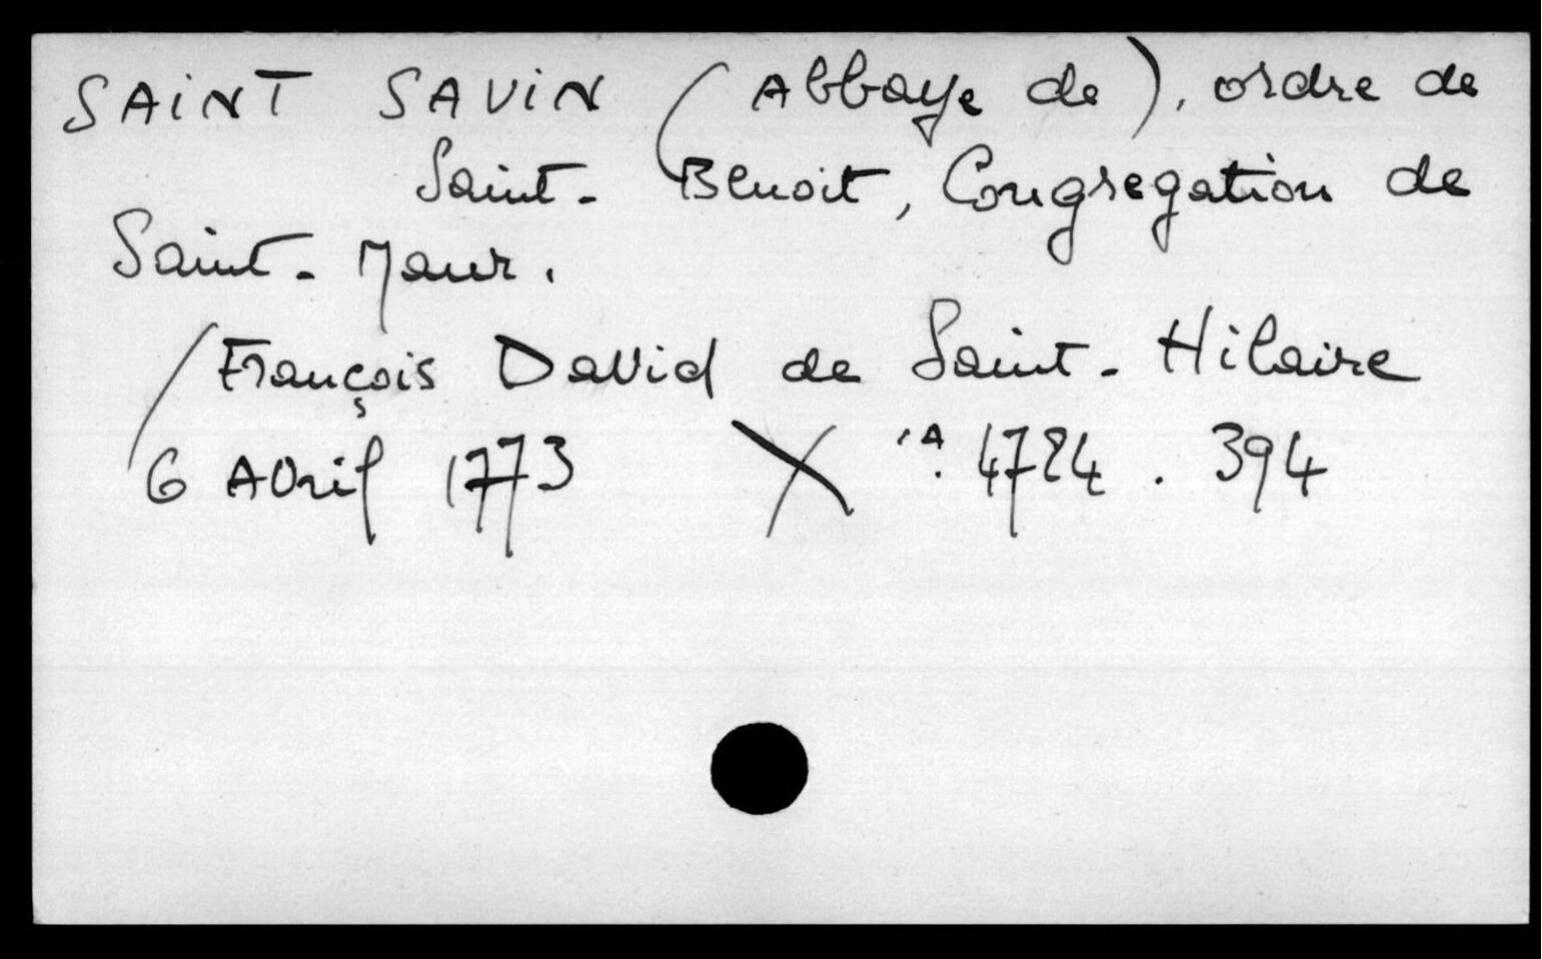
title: SAINT SAVIN (Abbaye de), ordre de Saint-Benoît, congrégation de Saint-Maur.
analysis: Contre François David de Saint-Hilaire
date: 6 avril 1773
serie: X1A
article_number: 4724
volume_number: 394
